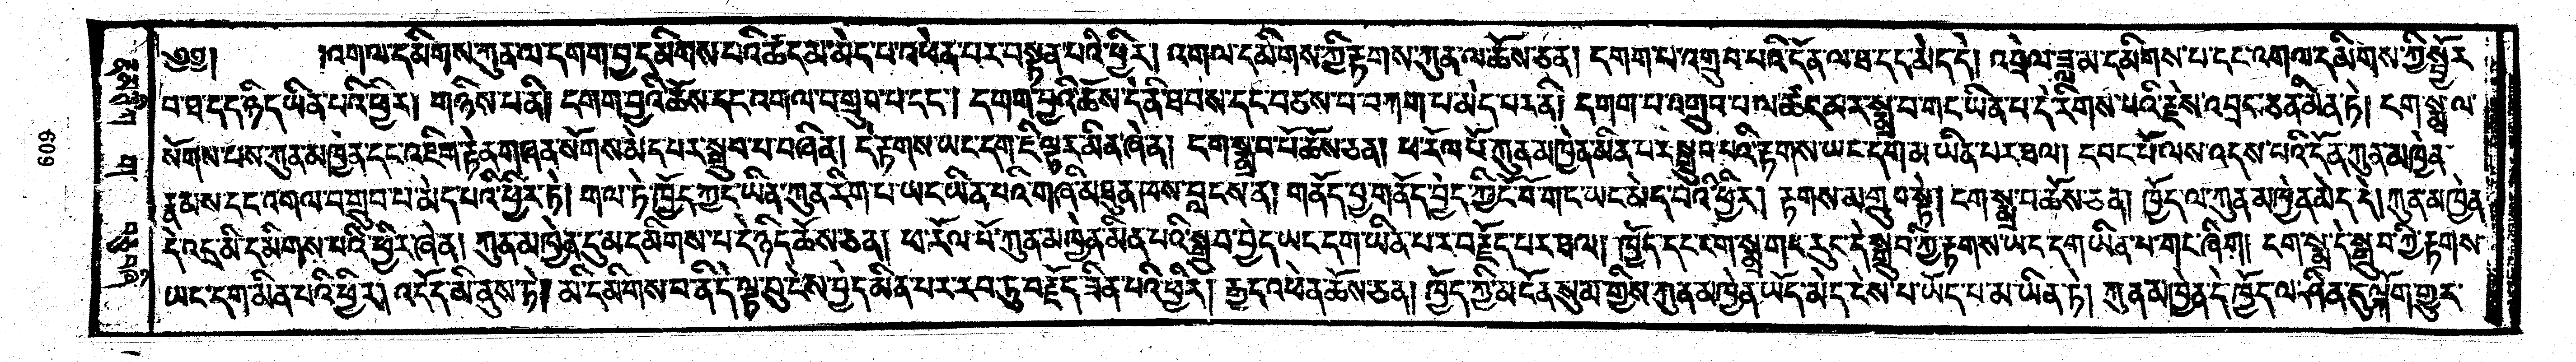༄༅། །འགལ་དམིགས་ཀུན་ལ་དགག་བྱ་དམིགས་པའི་ཚད་མ་མེད་པ་འཕེན་པར་བསྟན་པའི་ཕྱིར། འགལ་དམིགས་ཀྱི་རྟགས་ཀུན་ལ་ཆོས་ཅན། དགག་པ་འགྲུབ་པའི་དོན་ལ་ཐ་དད་མེད་དེ། འབྲེལ་ཟླ་མ་དམིགས་པ་དང་འགལ་དམིགས་ཀྱི་སྦྱོར་
བ་ཐ་དད་ཉིད་ཡིན་པའི་ཕྱིར། གཉིས་པ་ནི། དགག་བྱའི་ཆོས་དང་འགལ་བ་གྲུབ་པ་དང་། དགག་བྱའི་ཆོས་དེ་ནི་ཐབས་དང་བཅས་པ་བཀག་པ་མེད་པར་ནི། དགག་པ་འགྲུབ་པ་ལ་ཚད་མར་སྨྲ་བ་གང་ཡིན་པ་དེ་རིགས་པའི་རྗེས་འབྲང་ཅན་མིན་ཏེ། དག་སྨྲ་ལ་
སོགས་པས་ཀུན་མཁྱེན་དང་འཇིག་རྟེན་གཞན་སོགས་མེད་པར་སྒྲུབ་པ་བཞིན། དེ་རྟགས་ཡང་དག་ཇི་ལྟར་མིན་ཞེ་ན། ངག་སྨྲ་བ་པོ་ཆོས་ཅན། ཕ་རོལ་པོ་ཀུན་མཁྱེན་མིན་པར་སྒྲུབ་པའི་རྟགས་ཡང་དག་མ་ཡིན་པར་ཐལ། དབང་པོ་ལས་འདས་པའི་དོན་ཀུན་མཁྱེན་
རྣམས་དང་འགལ་བ་གྲུབ་པ་མེད་པའི་ཕྱིར་ཏེ། གལ་ཏེ་ཁྱོད་ཀྱང་ཡིན་ཀུན་རིག་པ་ཡང་ཡིན་པའི་གཞི་མཐུན་ཁས་བླངས་ན། གནོད་བྱ་གནོད་བྱེད་ཀྱི་ངོ་བོ་གང་ཡང་མེད་པའི་ཕྱིར། རྟགས་མ་གྲུབ་པ་སྟེ། ངག་སྨྲ་བ་ཆོས་ཅན། ཁྱོད་ལ་ཀུན་མཁྱེན་མེད་དེ། ཀུན་མཁྱེན་
དེ་འདྲ་མི་དམིགས་པའི་ཕྱིར་ཞེ་ན། ཀུན་མཁྱེན་དུ་མ་དམིགས་པ་དེ་ཉིད་ཆོས་ཅན། ཕ་རོལ་པོ་ཀུན་མཁྱེན་མིན་པའི་སྒྲུབ་བྱེད་ཡང་དག་ཡིན་པར་བརྗོད་པར་ཐལ། ཁྱོད་དང་དག་སྨྲ་གང་རུང་དེ་སྒྲུབ་ཀྱི་རྟགས་ཡང་དག་ཡིན་པ་གང་ཞིག། ངག་སྨྲ་དེ་སྒྲུབ་ཀྱི་རྟགས་
ཡང་དག་མིན་པའི་ཕྱིར། འདོད་མི་ནུས་ཏེ། མི་དམིགས་པ་ནི་དེ་ལྟ་བུ་ངེས་བྱེད་མིན་པར་རབ་ཏུ་བརྗོད་ཟིན་པའི་ཕྱིར། རྒྱང་འཕེན་ཆོས་ཅན། ཁྱོད་ཀྱི་མངོན་སུམ་གྱིས་ཀུན་མཁྱེན་ཡོད་མེད་ངེས་པ་ཡོད་པ་མ་ཡིན་ཏེ། ཀུན་མཁྱེན་དེ་ཁྱོད་ལ་ཤིན་ཏུ་ཀློག་གྱུར་